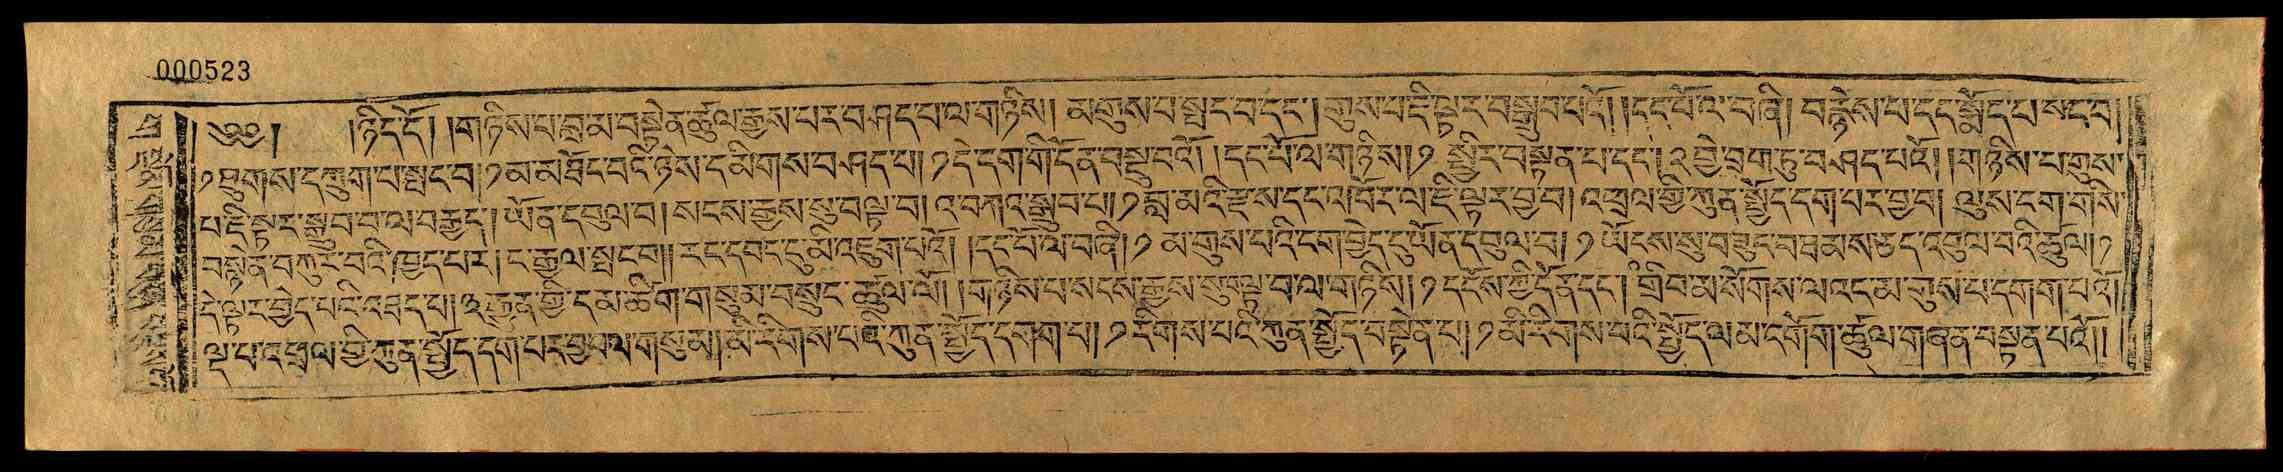༄༅། །ཉིད་དོ། །གཉིས་པ་བླ་མ་བསྟེན་ཚུལ་རྒྱས་པར་བཤད་པ་ལ་གཉིས། མ་གུས་པ་སྤང་བ་དང་། གུས་པ་ཇི་ལྟར་བསྒྲུབ་པའོ། །དང་པོ་ལ་བཞི། བརྙེས་པ་དང་སྨོད་པ་སྤང་བ།
༡་ཐུགས་དཀྲུག་པ་སྤང་བ། ༡་མ་མཐོང་བའི་ཉེས་དམིགས་བཤད་པ། ༡་དེ་དག་གི་དོན་བསྡུ་བའོ། །དང་པོ་ལ་གཉིས། ༡་སྤྱིར་བསྟན་པ་དང་། ༢་བྱེ་བྲག་ཏུ་བཤད་པའོ། །གཉིས་པ་གུས་
པ་ཇི་ལྟར་སྒྲུབ་པ་ལ་བརྒྱད། ཡོན་དབུལ་བ། སངས་རྒྱས་སུ་བལྟ་བ། ༢་བཀའ་སྒྲུབ་པ། ༡་བླ་མའི་རྫས་དང་འཁོར་ལ་ཇི་ལྟར་བྱ་བ། འཕྲལ་གྱི་ཀུན་སྤྱོད་དག་པར་བྱ་བ། ལུས་ངག་གིས་
བསྙེན་བཀུར་བའི་ཁྱད་པར། ང་རྒྱལ་སྤང་བ། རང་དབང་དུ་མ་འཇུག་པའོ། །དང་པོ་ལ་བཞི། ༡་མ་གུས་པའི་དག་བྱེད་དུ་ཡོན་དབུལ་བ། ༡་ཡོངས་སུ་བཟུང་བ་ཐམས་ཅད་འབུལ་བའི་ཚུལ ༡
དེ་ལྟར་བྱེད་པའི་འཐད་པ། ༣་རྒྱུན་གྱི་དམ་ཚིག་གསུམ་བསླབ་ཚུལ་ལོ། །གཉིས་པ་སངས་རྒྱས་སུ་བལྟ་བ་ལ་གཉིས། ༡་དངོས་ཀྱི་དོན་དང་། གྲིབ་མ་སོགས་ལའང་མ་གུས་པ་དགག་པའོ།
ལྔ་པ་འཕྲལ་གྱི་ཀུན་སྤྱོད་དག་པར་བྱ་བ་ལ་གསུམ། མ་རིགས་པའི་ཀུན་སྤྱོད་དགག་པ། ༡་རིགས་པའི་ཀུན་སྤྱོད་བསྟེན་པ། ༡་མི་རིགས་པའི་སྤྱོད་ལམ་འགོག་ཚུལ་གཞན་བསྟན་པའོ། །